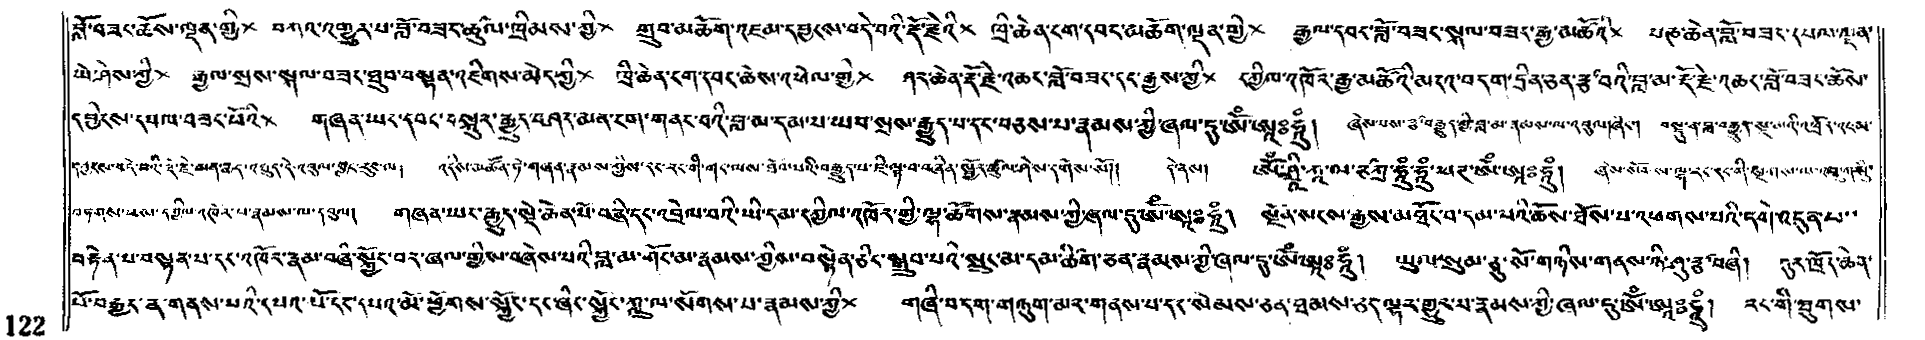བློ་བཟང་ཆོས་ལྡན་གྱི་྾་བཀའ་འགྱུར་པ་བློ་བཟང་ཚུལ་ཁྲིམས་ཀྱི་྾་གྲུབ་མཆོག་འཇམ་དབྱངས་བདེ་བའི་རྡོ་རྗེའི་྾་ཁྲི་ཆེན་ངག་དབང་མཆོག་ལྡན་གྱི་྾་རྒྱལ་དབང་བློ་བཟང་སྐལ་བཟང་རྒྱ་མཚོའི་྾་པཎ་ཆེན་བློ་བཟང་དཔལ་ལྡན་
ཡེ་ཤེས་ཀྱི་྾་རྒྱལ་སྲས་སྐལ་བཟང་ཐུབ་བསྟན་འཇིགས་མེད་ཀྱི་྾་ཁྲི་ཆེན་ངག་དབང་ཆོས་འཕེལ་གྱི་྾་ཤར་ཆེན་རྡོ་རྗེ་འཆང་བློ་བཟང་དང་རྒྱས་ཀྱི་྾་དཀྱིལ་འཁོར་རྒྱ་མཚོའི་མངའ་བདག་དྲིན་ཅན་རྩ་བའི་བླ་མ་རྡོ་རྗེ་འཆང་བློ་བཟང་ཆོས་
དབྱངས་དཔལ་བཟང་པོའི་྾་གཞན་ཡང་དབང་བསྐུར་རྒྱུད་བཤད་མན་ངག་གནང་བའི་བླ་མ་དམ་པ་ཡབ་སྲས་རྒྱུད་པ་དང་བཅས་པ་རྣམས་ཀྱི་ཞལ་དུ་ཨོཾ་ཨཱཿ ཧཱུཾ། ཞེས་པས་རྩ་བརྒྱུད་ཀྱི་བླ་མ་རྣམས་ལ་འབུལ་ཞིང་། བསྡུ་ན་བླ་བརྒྱུད་སྔ་མའི་འཕྲོར་འཇམ་
དབྱངས་བདེ་བའི་རྡོ་རྗེ་མན་ཆད་འཐུད་དེ་འབུལ་བྱང་རུང་ལ། འདིས་མཚོན་ཏེ་གཞན་རྣམས་ཀྱིས་རང་རང་གི་གང་ལས་ཐོབ་པའི་བརྒྱུད་པ་ཇི་ལྟ་བ་བཞིན་སྦྱོར་ཚུལ་ཤེས་དགོས་སོ།། དེ་ནས་ཨོཾ་ཤྲཱི་ཀཱ་ལ་ཙཀྲ་ཧཱུཾ་ཧཱུཾ་ཕཊ་ཨོཾ་ཨཱཿ ཧཱུཾ། ཞེས་སོགས་ལྷ་རང་རང་གི་སྔགས་ལས་འབྲུ་གསུཾ་
བཏགས་པས་དཀྱིལ་འཁོར་པ་རྣམས་ལ་དབུལ། གཞན་ཡང་རྒྱུད་སྡེ་ཆེན་པོ་བཞི་དང་འབྲེལ་བའི་ཡི་དམ་དཀྱིལ་འཁོར་གྱི་ལྷ་ཚོགས་རྣམས་ཀྱི་ཞལ་དུ་ཨོཾ་ཨཱཿ ཧཱུཾ། སྔོན་སངས་རྒྱས་མཐོང་བ་དམ་པའི་ཆོས་ཐོས་པ་འཕགས་པའི་དགེ་འདུན་པ་
བརྟེན་པ་བསྟན་པ་དང་འཁོར་རྣམ་བཞི་སྐྱོང་བར་ཞལ་གྱིས་བཞེས་པའི་བླ་མ་གོང་མ་རྣམས་ཀྱིས་བསྟེན་ཅིང་སྒྲུབ་པའི་སྲུང་མ་དམ་ཚིག་ཅན་རྣམས་ཀྱི་ཞལ་དུ་ཨོཾ་ཨཱཿ ཧཱུཾ། ཡུལ་སུམ་ཅུ་སོ་གཉིས་གནས་ཉི་ཤུ་རྩ་བཞི། དུར་ཁྲོད་ཆེན་
པོ་བརྒྱད་ན་གནས་པའི་དཔའ་པོ་དང་དཔའ་མོ་ཕྱོགས་སྐྱོང་དང་ཞིང་སྐྱོང་ཀླུ་ལ་སོགས་པ་རྣམས་ཀྱི་྾་གཞི་བདག་གཉུག་མར་གནས་པ་དང་སེམས་ཅན་ཐམས་ཅད་ལྷར་གྱུར་པ་རྣམས་ཀྱི་ཞལ་དུ་ཨོཾ་ཨཱཿ ཧཱུཾ། རང་གི་ཐུགས་